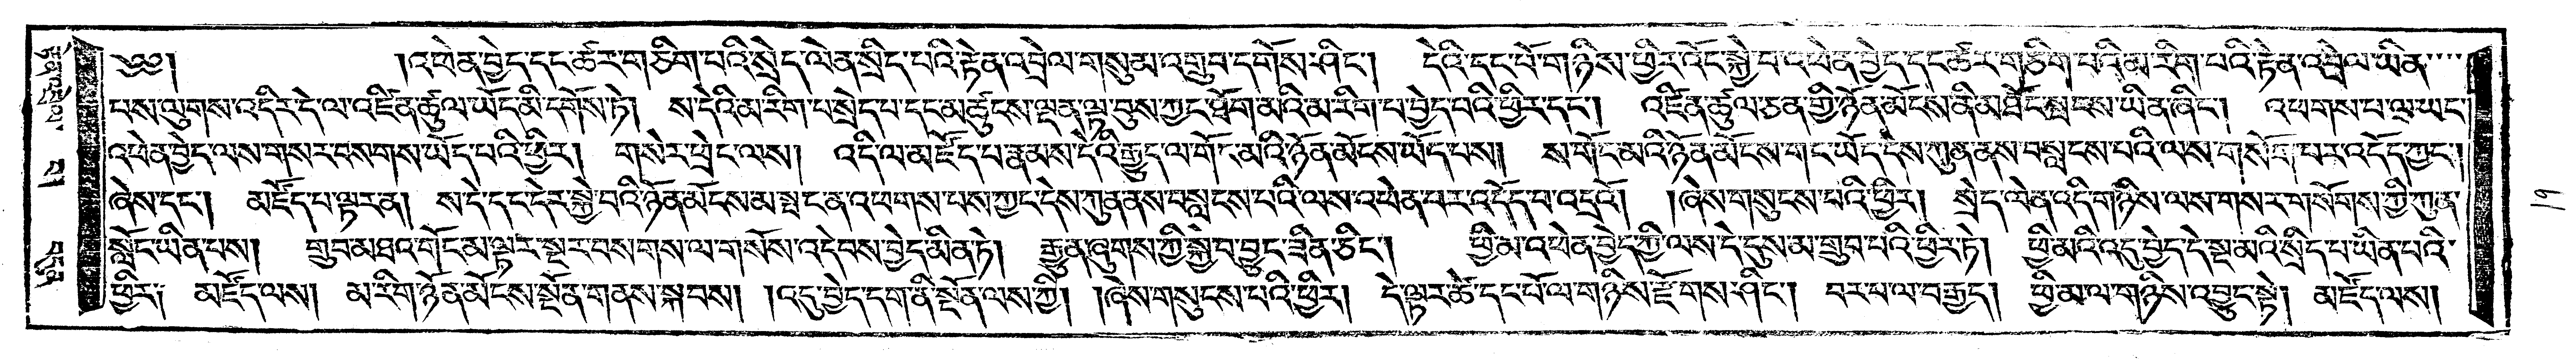༄༅། །འཕེན་བྱེད་དང་ཚར་གཅིག་པའི་སྲེད་ལེན་སྲིད་པའི་རྟེན་འབྲེལ་གསུམ་འགྲུབ་དགོས་ཤིང་། དེའི་དང་པོ་གཉིས་ཕྱིར་འོང་སྐྱེ་བ་འཕེན་བྱེད་དང་ཚར་གཅིག་པའི་མ་རིག་པའི་རྟེན་འབྲེལ་ཡིན་
པས་ལུགས་འདིར་དེ་ལ་འཛིན་ཚུལ་ཡོད་མི་དགོས་ཏེ། ས་དེའི་མ་རིག་པ་སྲེད་པ་དང་མཚུངས་ལྡན་ལྟ་བུས་ཀྱང་ཐོག་མའི་མ་རིག་པ་བྱེད་པའི་ཕྱིར་དང་། འཛིན་ཚུལ་ཅན་གྱི་ཉོན་མོངས་ནི་མཐོང་སྤངས་ཡིན་ཞིང་། འཕགས་པ་ལ་ཡང་
འཕེན་བྱེད་ལས་གསར་བསགས་ཡོད་པའི་ཕྱིར། གསེར་ཕྲེང་ལས། འདི་ལ་མཛོད་པ་རྣམས་དེའི་རྒྱུད་ལ་གོང་མའི་ཉོན་མོངས་ཡོད་པས། ས་གོང་མའི་ཉོན་མོངས་གང་ཡོད་དེས་ཀུན་ནས་བསླངས་པའི་ལས་གསོག་པར་འདོད་ཀྱང་།
ཞེས་དང་། མཛོད་པ་ལྟར་ན། ས་དེ་དང་དེར་སྐྱེ་བའི་ཉོན་མོངས་མ་སྤང་ན་འཕགས་པས་ཀྱང་དེས་ཀུན་ནས་བསླངས་པའི་ལས་འཕེན་པར་འདོད་པ་འདྲའོ། །ཞེས་གསུངས་པའི་ཕྱིར། སྲེད་ལེན་འདི་གཉིས་ལས་གསར་གསོགས་ཀྱི་ཀུན་
སློང་ཡིན་པས། གྲུབ་མཐའ་གོང་མ་ལྟར་སྔར་བསགས་ལ་གསོས་འདེབས་བྱེད་མིན་ཏེ། རྒྱུན་ཞུགས་ཀྱི་སྐྱེ་བ་བྱུང་ཟིན་ཅིང་། ཕྱི་མ་འཕེན་བྱེད་ཀྱི་ལས་དེ་དུས་མ་གྲུབ་པའི་ཕྱིར་ཏེ། ཕྱི་མའི་འདུ་བྱེད་དེ་སྔ་མའི་སྲིད་པ་ཡིན་པའི་
ཕྱིར༑ མཛོད་ལས། མ་རིག་ཉོན་མོངས་སྔོན་གནས་སྐབས། །འདུ་བྱེད་དག་ནི་སྔོན་ལས་ཀྱི། །ཞེས་གསུངས་པའི་ཕྱིར། དེ་ལྟར་ཚེ་དང་པོ་ལ་གཉིས་རྫོགས་ཤིང་། བར་པ་ལ་བརྒྱད། ཕྱི་མ་ལ་གཉིས་འབྱུང་སྟེ། མཛོད་ལས།